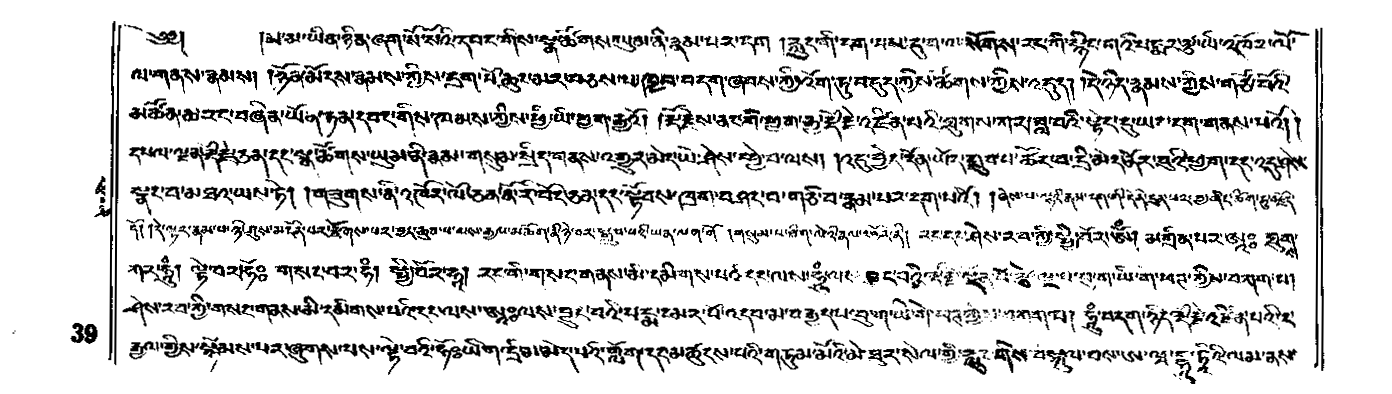༄༅། །མ་མ་ཡིན་ཉིན་ཞག་སོ་སོའི་དབང་གིས་སྣ་ཚོགས་ཡུམ་ནི་རྣམ་པར་དག །རླུང་གི་ངག་པས་དུ་བ་ལ་སོགས་རང་གི་སྙིང་གའི་པདམར་རྩ་ཡི་འཁོར་ལོ་
ལ་གནས་རྣམས། །ཉོན་མོངས་རྣམས་ཀྱིས་དྲག་པོ་ཆུང་མར་བཅས་ལ་ཁྱབ་བདག་ཞབས་ཀྱི་འོག་ཏུ་བདུད་ཀྱིས་ཚོགས་ཀྱིས་འདུད། །དེ་ཉིད་རྣམས་ཀྱིས་གཙོ་བོའི་
མཚོན་ཆ་རང་བཞིན་ཡོན་ཏན་དབང་གིས་ཁམས་ཀྱིས་ཕྱི་ཡི་ཕྱག་རྒྱའོ། །རྡོ་རྗེས་ནང་གི་ཕྱག་རྒྱ་རྡོ་རྗེ་འཛིན་པའི་ཐུགས་ཀར། ཟླ་བའི་སྟེང་དུ་ཡང་དག་གནས་པའོ། །
དཔལ་ལྡན་རྡོ་རྗེ་ཅན་དང་སྣ་ཚོགས་ཡུམ་ནི་རྣམ་གསུམ་སྲིད་གནས་འགྱུར་མེད་ཡེ་ཤེས་དབྱེ་བ་ལས། །འདུ་བྱེད་དོན་ཡོད་གྲུབ་པ་ཚོར་བ་དྲི་མེད་ནོར་བུའི་ཕྱག་དང་འདུ་ཤེས་
སྣང་བ་མཐའ་ཡས་ཏེ། །གཟུགས་ནི་འཁོར་ལོ་ཅན་ནོ་རི་བོང་ཅན་དང་སྟོབས་ཁྲག་བཤད་པ་གཙ་བ་རྣམ་པར་དག་པའོ། །ཞེས་པ་ལྷའི་རྣམ་དག་གི་དོན་དྲན་པར་བྱ་ཞིང་ཚིག་ཏུ་བརྗོད་
དོ། །དེ་ལྟར་རྣམ་པ་ཉི་ཤུས་མངོན་པར་རྫོགས་པར་བྱང་ཆུབ་པ་ལས་རྒྱལ་མཆོག་ནི་ཉེ་བར་སྒྲུབ་པའི་ཡན་ལག་གོ །གསུམ་པ་ཐིག་ལེའི་རྣལ་འབྱོར་ནི། རང་དང་ཤེས་རབ་ཀྱི་སྤྱི་བོར་ཨོཾ། མགྲིན་པར་ཨཱཿ ཐུགས་
ཀར་ཧཱུཾ། ལྟེ་བར་ཧོཿ གསང་བར་ཧཾ། སྤྱི་བོར་ཧཱ། རང་གི་གསང་གནས་མི་དམིགས་པའི་དང་ལས་ཧཱུཾ་ལས་བྱུང་བའི་རྡོ་རྗེ་སྔོན་པོ་རྩེ་ལྔ་པ་བུ་ག་ཡི་གེ་ཕགས་ཀྱིས་བཀག་པ།
ཤེས་རབ་ཀྱི་གསང་གནས་མི་དམིགས་པའི་དང་ལས་ཨཱཿ ལས་བྱུང་བའི་པདམ་དམར་པོ་འདབ་མ་བརྒྱད་པ་བུ་ག་ཡི་གེ་ཕཊ་ཀྱིས་བཀག་པ། ཧཱུཾ་བདག་ཉིད་རྡོ་རྗེ་འཛིན་པའི་ང་
རྒྱལ་གྱིས་སྙོམས་པར་ཞུགས་ལས་ལྟེ་བའི་ཧོཿ ཡིག་དྲི་མ་མེད་པའི་གློག་དང་མཚུངས་པའི་གཏུམ་མོའི་མེ་ཐུར་སེལ་གྱི་རླུང་གིས་བསྐུལ་བས་ཨ་ཝ་དྷཱུ་ཏཱིའི་ལམ་ནས་